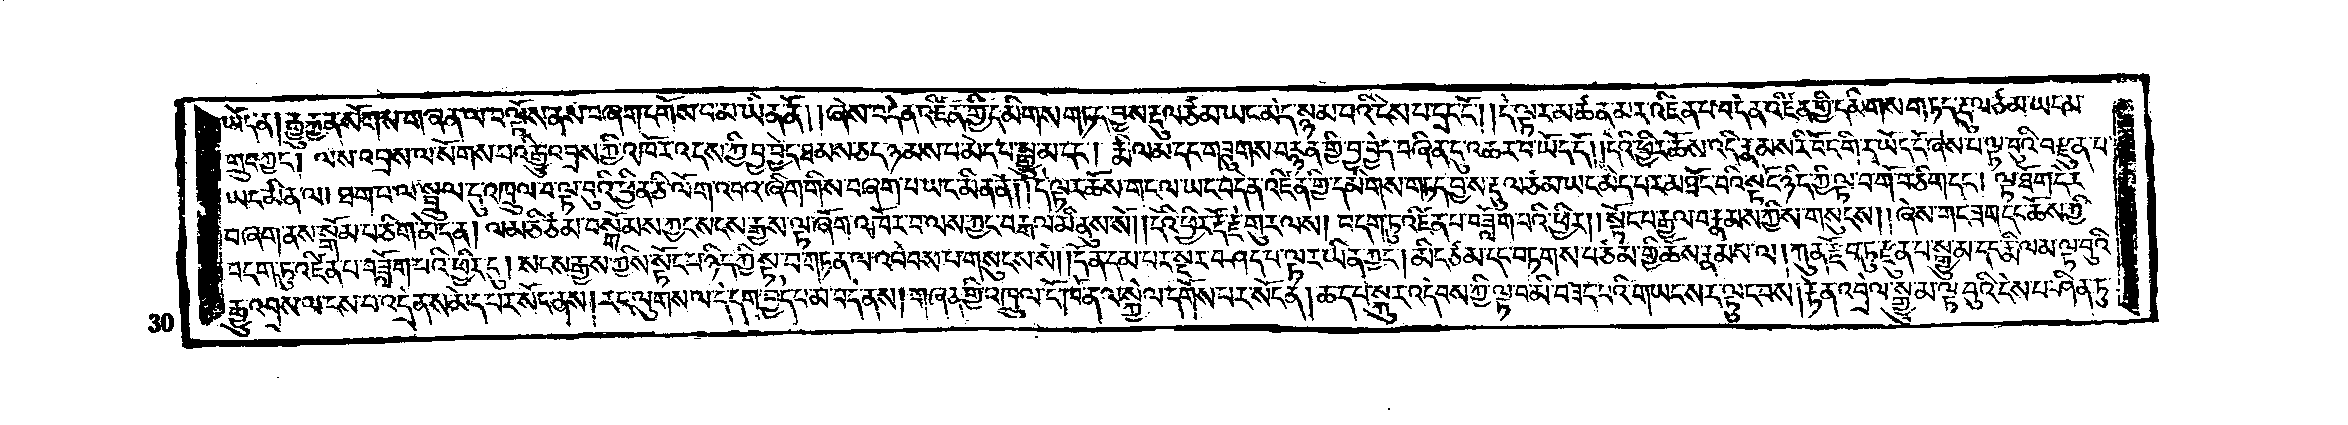ཡོད་ན། རྒྱུ་རྐྱེན་སོགས་གཞན་ལ་བལྟོས་ནས་བཞག་དགོས་པ་མ་ཡིན་ནོ། །ཞེས་བདེན་འཛིན་གྱི་དམིགས་གཏད་བྱས་རྡུལ་ཙམ་ཡང་མེད་སྙམ་པའི་ངས་པ་དྲང་ངོ། །དེ་ལྟར་མཚན་མར་འཛིན་པ་བདེན་འཛིན་གྱི་དམིགས་གཏད་རྡུལ་ཙམ་ཡང་མ་
གྲུབ་ཀྱང་། ལས་འབྲས་ལ་སོགས་པའི་རྒྱུ་འབྲས་ཀྱི་འཁོར་འདས་ཀྱི་བྱ་བྱེད་ཐམས་ཅད་ཉམས་པ་མེད་པ་སྒྱུ་མ་དང་། རྨི་ལམ་དང་གཟུགས་བརྙན་གྱི་བྱ་བྱེད་བཞིན་དུ་འཆར་བ་ཡོད་དོ། །དེའི་ཕྱིར་ཆོས་འདི་རྣམས་རི་བོང་གི་རྭ་ཡོད་དོ་ཞེས་པ་ལྟ་བུའི་བརྫུན་པ་
ཡང་མིན་ལ། ཐེག་པ་ལ་སྦྲུལ་དུ་འཁྲུལ་བ་ལྟ་བུའི་ཕྱིན་ཅི་ལོག་འབའ་ཞིག་གིས་བཞག་པ་ཡང་མིན་ན། །དེ་ལྟར་ཆོས་གང་ལ་ཡང་བདེན་འཛིན་གྱི་དམིགས་གཏད་བྱ་ས་རྡུལ་ཙམ་ཡང་མེད་པར་མཐོང་བའི་སྟོང་ཉིད་ཀྱི་ལྟ་བ་གོ་བ་ཅིག་དང་། ལྟ་ཐོག་དེར་
བཞག་ནས་སྒོམ་པ་ཅིག་མེད་ན། ལམ་ཅི་ཙམ་བསྒོམས་ཀྱང་སངས་རྒྱས་ལྟ་ཞོག་འཁོར་བ་ལས་ཀྱང་བརྒལ་མི་ནུས་སོ། །དེའི་ཕྱིར་རྡོ་རྗེ་གུར་ལས། བདག་ཏུ་འཛིན་པ་བཟློག་པའི་ཕྱིར། །སྟོང་པ་རྒྱལ་བ་རྣམས་ཀྱིས་གསུངས། །ཞེས་གང་ཟག་དང་ཆོས་ཀྱི་
བདག་ཏུ་འཛིན་པ་བཟློག་པའི་ཕྱིར་དུ། སངས་རྒྱས་ཀྱིས་སྟོང་པ་ཉིད་ཀྱི་སྟ་བ་གཏན་ལ་འབེབས་པ་གསུངས་སོ། །དོན་དམ་པར་སྔར་བཤད་པ་ལྟར་ཡིན་ཀྱང་། མིང་ཙམ་དང་བཏགས་པ་ཙམ་གྱི་ཆོས་རྣམས་ལ། ཀུན་རྫོབ་ཏུ་རྫུན་པ་སྒྱུ་མ་དང་རྨི་ལམ་ལྟ་བུའི་
རྒྱུ་འབྲས་ལ་ངེས་པ་འདྲེན་ས་མེད་པར་སོང་ནས། རང་ལུགས་ལ་དེ་དག་བྱེད་པ་མ་བདེ་ནས། གཞན་གྱི་འཁྲུལ་ངོ་ཁོ་ན་ལ་སྐྱེལ་དགོས་པར་སོང་ན། ཆད་པ་སྐུར་འདེབས་ཀྱི་ལྟ་བ་མི་བཟད་པའི་གཡང་སར་ལྟུང་བས། རྟེན་འབྲེལ་སྒྱུ་མ་ལྟ་བུའི་ངེས་པ་ཤིན་ཏུ་